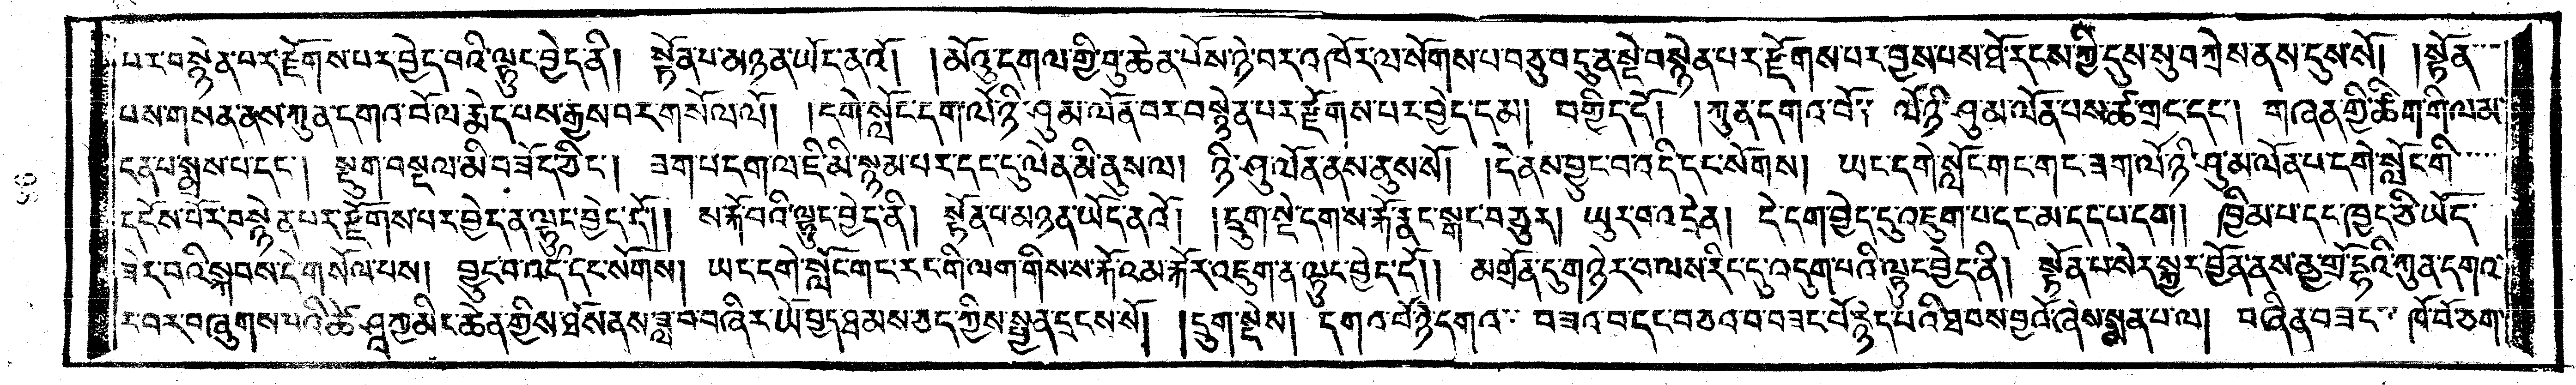པར་བསྙེན་པར་རྫོགས་པར་བྱེད་བའི་ལྟུང་བྱེད་ནི། སྟོན་པ་མཉན་ཡོད་ནའོ། །མོའུ་དག་ལ་གྱི་བུ་ཆེན་པོས་ཉེ་བར་འཁོར་ལ་སོགས་པ་བཅུ་བདུན་སྡེ་བསྙེན་པར་རྫོགས་པར་བྱས་པས་ཐོ་རངས་ཀྱི་དུས་སུ་བཀྲེས་ནས་དུས་སོ། །སྟོན་
པས་གསན་ནས་ཀུན་དགའ་བོ་ལ་རྨེད་པས་རྒྱས་བར་གསོལ་ལོ། །དགེ་སློང་དག་ལོ་ཉི་ཤུ་མ་ལོན་བར་བསྙེན་པར་རྫོགས་པར་བྱེད་དམ། བགྱིད་དོ། །ཀུན་དགའ་བོ༑ ལོ་ཉི་ཤུ་མ་ལོན་པས་ཚ་གྲང་དང་། གཞན་གྱི་ཚིག་གི་ལམ་
ངན་པ་སྨྲས་པ་དང་། སྡུག་བསྔལ་མི་བཟོད་ཅིང་། ཟག་པ་དག་ལ་ཇི་མི་སྙམ་པར་དང་དུ་ལེན་མི་ནུས་ལ། ཉི་ཤུ་ལོན་ནས་ནུས་སོ། །དེ་ནས་བྱུང་བ་འདི་དང་སོགས། ཡང་དགེ་སློང་གང་གང་ཟག་ལོ་ཉི་ཤུ་མ་ལོན་པ་དགེ་སློང་གི་
དངོས་པོར་བསྙེན་པར་རྫོགས་པར་བྱེད་ན་ལྟུང་བྱེད་དོ།། ས་རྐོ་བའི་ལྟུང་བྱེད་ནི། སྟོན་པ་མཉན་ཡོད་ནའོ། །དྲུག་སྡེ་དག་ས་རྐོ་རྣང་སྒང་བཅུར། ཡུར་བ་འདྲེན། དེ་དག་བྱེད་དུ་འཇུག་པ་དང་མ་དད་པ་དག། ཁྱིམ་པ་དང་ཁྱད་ཅི་ཡོད་
ཟེར་བའི་སྐབས་དེ་གསོལ་པས། བྱུང་བ་འདྀ་དང་སོགས། ཡང་དགེ་སློང་གང་རང་གི་ལག་གིས་ས་རྐོ་འམ་རྐོར་འཇུག་ན་ལྟུང་བྱེད་དོ།། མགྲོན་དུ་གཉེར་བ་ལས་རིང་དུ་འདུག་པའི་ལྟུང་བྱེད་ནི། སྟོན་པ་སེར་སྐྱར་བྱོན་ནས་ནྱ་གྲོ་དྷའི་ཀུན་དགའ་
ར་བར་བཞུགས་པའི་ཚེ་ཤཱཀྱ་མིང་ཆེན་གྱིས་ཐོས་ནས་ཟླ་བ་བཞིར་ཡོ་བྱད་ཐམས་ཅད་ཀྱིས་སྤྱན་དྲངས་སོ། །དྲུག་སྡེས། དགའ་བོ་ཉེ་དགའ༑ བཟའ་བ་དང་བཅའ་བ་བཟང་པོ་རྙེད་པའི་ཐབས་བྱའོ་ཞེས་སྨན་པ་ལ། བཞིན་བཟང༑ ཁོ་བོ་ཅག་